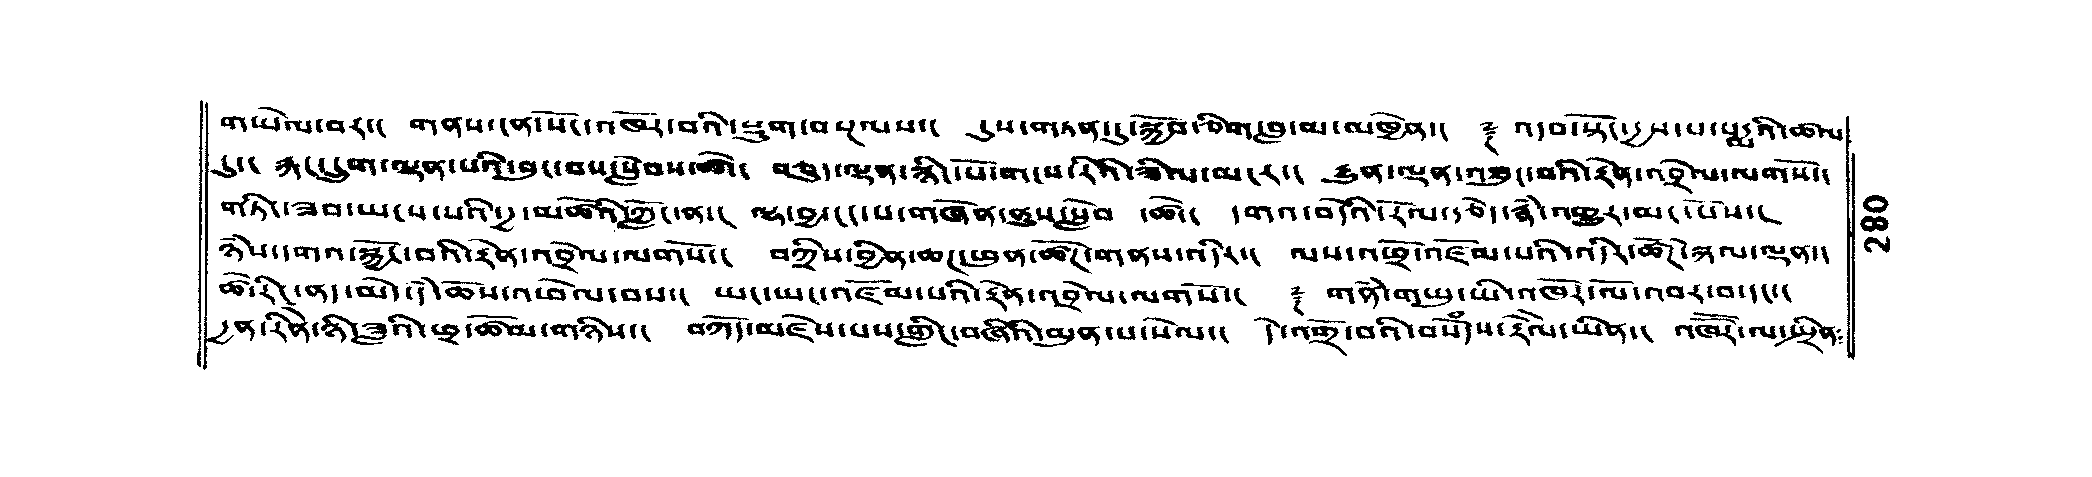གཡེལ་བར། །གནས་ངན་སོང་འཁོར་བའི་སྡུག་བསྔལ་ལས། །དུས་གཏན་དུ་སྐྱོབས་ཤིག་བླ་མ་མཁྱེན།། ༈ འདབ་སྟོང་རྒྱས་པ་པདྨའི་ཚལ་
དུ། །རྐང་དྲུག་ལྡན་པའི་བུང་བས་སླེབས་ཚེ། །བཅུད་ལྡན་སྙིང་པོ་གངས་རིའི་ཟིལ་མངར། །རྒྱུན་ལྡན་འཐུངས་བའི་རྟེན་འབྲེལ་ལགས་སོ། །
གཏིང་ཟབ་ཡངས་པའི་རྒྱ་མཚོའི་ཀློང་ན། །ལྷ་བྱ་ངང་པ་གཞོན་ནུ་སླེབ་ཚེ། །དགའ་བདེའི་རོལ་རྩེད་རྣམ་འགྱུར་མང་པོས། །
ཉམས་དགའ་སྐྱོང་བའི་རྟེན་འབྲེལ་ལགས་སོ། །བཀྲ་ཤིས་བྱིན་ཆགས་ཕུན་ཚོགས་གནས་འདིར། །ལས་འཕྲོ་འཛོམ་པའི་འདིར་ཚོགས་སྐལ་ལྡན། །
ཚེ་རིང་ནད་མེད་དམ་ཆོས་འཕེལ་བས། །ཡང་ཡང་འཛོམ་པའི་རྟེན་འབྲེལ་ལགས་སོ།།༈ གནམ་གཡུ་ཡི་འཁོར་ལོ་འབར་བ་དང་། །
རྒྱན་རིན་ཆེན་ཉི་ཟླའི་ཕྲ་ཚོམ་གཉིས། །བཀོད་མཛེས་པས་གླིང་བཞིའི་མུན་པ་སེལ། །དེ་འགྲོ་བའི་བསོད་ནམས་རྟེན་འབྲེལ་ཡིན། །འཁོར་ལོ་ལ་སྤྲིན་